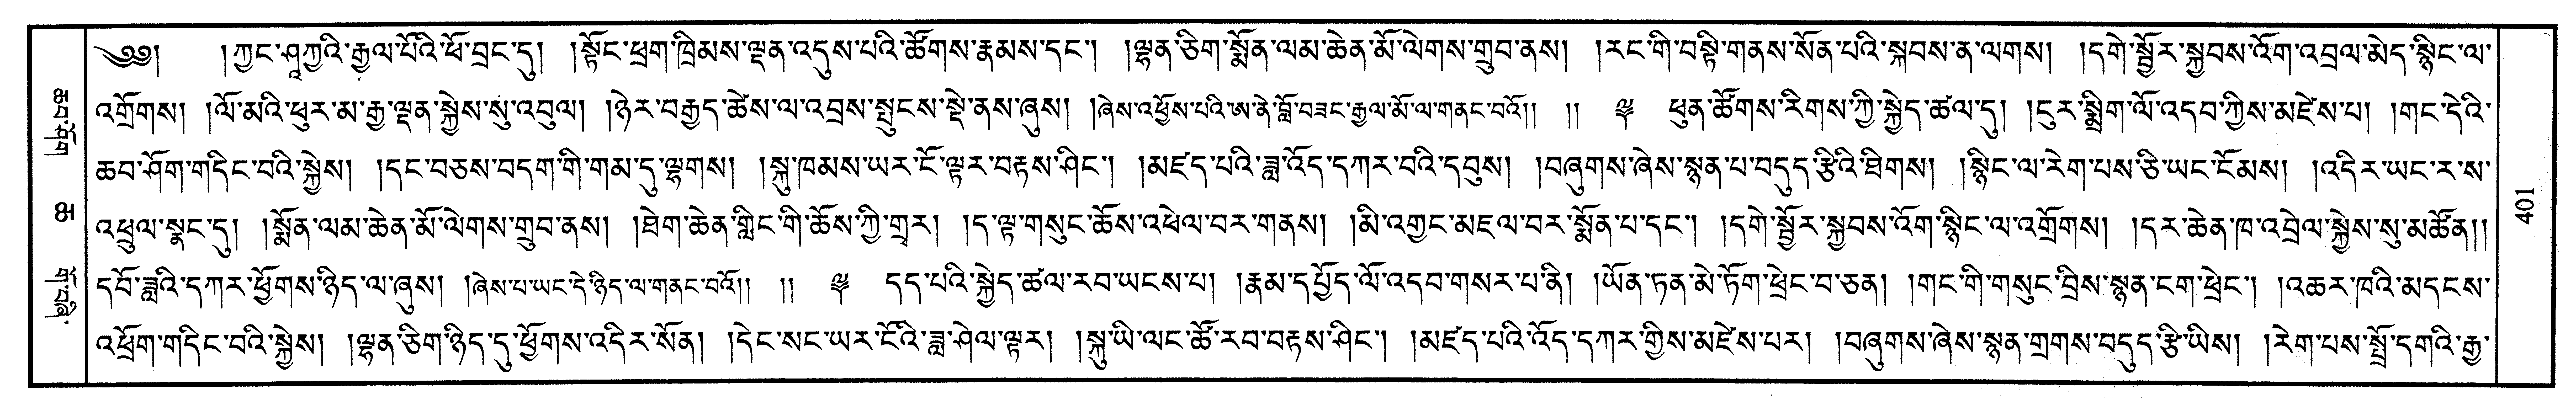༄༅། །ཀྱང་ཤཱཀྱའི་རྒྱལ་པོའི་ཕོ་བྲང་དུ། །སྟོང་ཕྲག་ཁྲིམས་ལྡན་འདུས་པའི་ཚོགས་རྣམས་དང་། །ལྷན་ཅིག་སྨོན་ལམ་ཆེན་མོ་ལེགས་གྲུབ་ནས། །རང་གི་བསྟི་གནས་སོན་པའི་སྐབས་ན་ལགས། །དགེ་སྦྱོར་སྐྱབས་འོག་འབྲལ་མེད་སྙིང་ལ་
འགྲོགས། །ལོ་མའི་ཕུར་མ་རྒྱ་ལྡན་སྐྱེས་སུ་འབུལ། །ཉེར་བརྒྱད་ཚེས་ལ་འབྲས་སྤུངས་སྡེ་ནས་ཞུས། །ཞེས་འཕྱོས་པའི་ཨ་ནེ་བློ་བཟང་རྒྱལ་མོ་ལ་གནང་བའོ།། །། ༈ ཕུན་ཚོགས་རིགས་ཀྱི་སྐྱེད་ཚལ་དུ། །ངུར་སྨྲིག་ལོ་འདབ་ཀྱིས་མཛེས་པ། །གང་དེའི་
ཆབ་ཤོག་གདིང་བའི་སྐྱེས། །དང་བཅས་བདག་གི་གམ་དུ་ལྷགས། །སྐུ་ཁམས་ཡར་ངོ་ལྟར་བརྟས་ཤིང་། །མཛད་པའི་ཟླ་འོད་དཀར་བའི་དབུས། །བཞུགས་ཞེས་སྙན་པ་བདུད་རྩིའི་ཐིགས། །སྙིང་ལ་རེག་པས་ཅི་ཡང་ངོམས། །འདིར་ཡང་ར་ས་
འཕྲུལ་སྣང་དུ། །སྨོན་ལམ་ཆེན་མོ་ལེགས་གྲུབ་ནས། །ཐེག་ཆེན་གླིང་གི་ཆོས་ཀྱི་གྲྭར། །ད་ལྟ་གསུང་ཆོས་འཕེལ་བར་གནས། །མི་འགྱང་མཇལ་བར་སྨོན་པ་དང་། །དགེ་སྦྱོར་སྐྱབས་འོག་སྙིང་ལ་འགྲོགས། །དར་ཆེན་ཁ་འབྲེལ་སྐྱེས་སུ་མཚོན།།
དབོ་ཟླའི་དཀར་ཕྱོགས་ཉིད་ལ་ཞུས། །ཞེས་པ་ཡང་དེ་ཉིད་ལ་གནང་བའོ།། །། ༈ དད་པའི་སྐྱེད་ཚལ་རབ་ཡངས་པ། །རྣམ་དཔྱོད་ལོ་འདབ་གསར་པ་ནི། །ཡོན་ཏན་མེ་ཏོག་ཕྲེང་བ་ཅན། །གང་གི་གསུང་བྲིས་སྙན་ངག་ཕྲེང་། །འཆར་ཁའི་མདངས་
འཕྲོག་གདིང་བའི་སྐྱེས། །ལྷན་ཅིག་ཉིད་དུ་ཕྱོགས་འདིར་སོན། །དེང་སང་ཡར་ངོའི་ཟླ་ཤེལ་ལྟར། །སྐུ་ཡི་ལང་ཚོ་རབ་བརྟས་ཤིང་། །མཛད་པའི་འོད་དཀར་གྱིས་མཛེས་པར། །བཞུགས་ཞེས་སྙན་གྲགས་བདུད་རྩི་ཡིས། །རེག་པས་སྤྲོ་དགའི་རྒྱ་